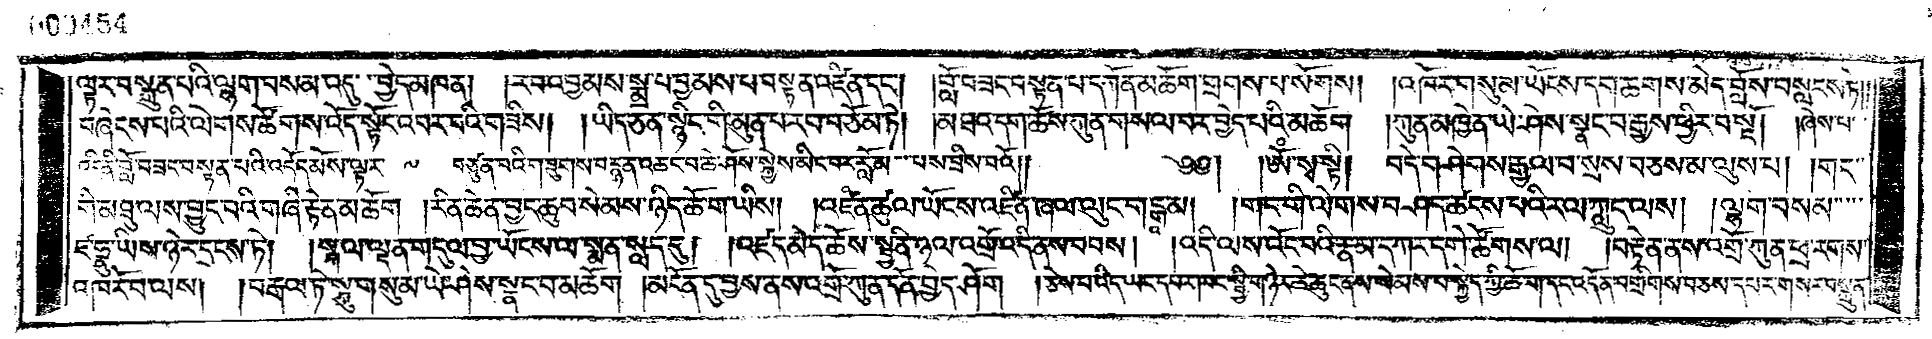ལྟར་བསྐྲུན་པའི་ལྷག་བསམ་འདུ་བྱེད་མཁན། །རབ་འབྱམས་སྨྲ་པ་བྱམས་པ་བསྟན་འཛིན་དང་། །བློ་བཟང་བསྟན་པ་དཀོན་མཆོག་གྲགས་པ་སོགས། །འཁོར་གསུམ་ཡོངས་དག་ཆགས་མེད་བློས་བསླངས་ཏེ། །
བཞེངས་པའི་ལེགས་ཚོགས་འོད་སྟོང་འབར་བའི་གཟིས། །ཡིད་ཅན་སྙིང་གི་མུན་པ་རབ་བཅོམ་ཏེ། །མཐའ་དག་ཆོས་ཀུན་གསལ་བར་བྱེད་པའི་མཆོག །ཀུན་མཁྱེན་ཡེ་ཤེས་སྣང་བ་རྒྱས་ཕྱིར་བསྔོ། །ཞེས་པ་
འདི་ནི་བློ་བཟང་བསྟན་པའི་འདོད་མོས་ལྟར་༧་བཙུན་པའི་གཟུགས་བརྙན་འཆང་བ་ཆེ་ཤོས་སྐྱེས་མིང་བར་རློམ་པས་བྲིས་པའོ།། ༄༅། །ཨོཾ་སྭ་སྟི། བདེ་གཤེགས་རྒྱལ་བ་སྲས་བཅས་མ་ལུས་པ། །གང་
གི་མཐུ་ལས་བྱུང་བའི་གཞི་རྟེན་མཆོག །རིན་ཆེན་བྱང་ཆུབ་སེམས་ཉིད་ཆོ་ག་ཡིས། །འཛིན་ཚུལ་ཡོངས་འཛིན་ཞལ་ལུང་གངྒཱ་མ། །གང་གི་ལེགས་བཤད་ཚངས་པའི་རལ་ཀླུང་ལས། །ལྷག་བསམ་
ཛ་ཧྣུ་ཡིས་ཉེར་དྲངས་ཏེ། །སྐལ་ལྡན་གདུལ་བྱ་ཡོངས་ལ་སྨན་སླད་དུ། །འཛད་མེད་ཆོས་སྦྱིན་ཉལ་འགྲོ་འདི་ནས་བབས། །འདི་ལས་འོང་བའི་རྣམ་དཀར་དགེ་ཚོགས་ལ། །བརྟེན་ནས་འགྲོ་ཀུན་ཕྲ་རགས་
འཁོར་བ་ལས། །བརྒལ་ཏེ་སྐུ་གསུམ་ཡེ་ཤེས་སྣང་བ་མཆོག །མངོན་དུ་བྱས་ནས་འགྲོ་ཀུན་དོན་བྱེད་ཤོག །ཅེས་པ་འདི་ཡང་དཔར་ཁང་སྤྱི་གཉེར་ཆེ་ཆུང་ནས་སེམས་བསྐྱེད་ཀྱི་ཆོ་ག་དང་འདོན་བགྲིགས་བཅས་དཔར་གསར་བསྐྲུན་